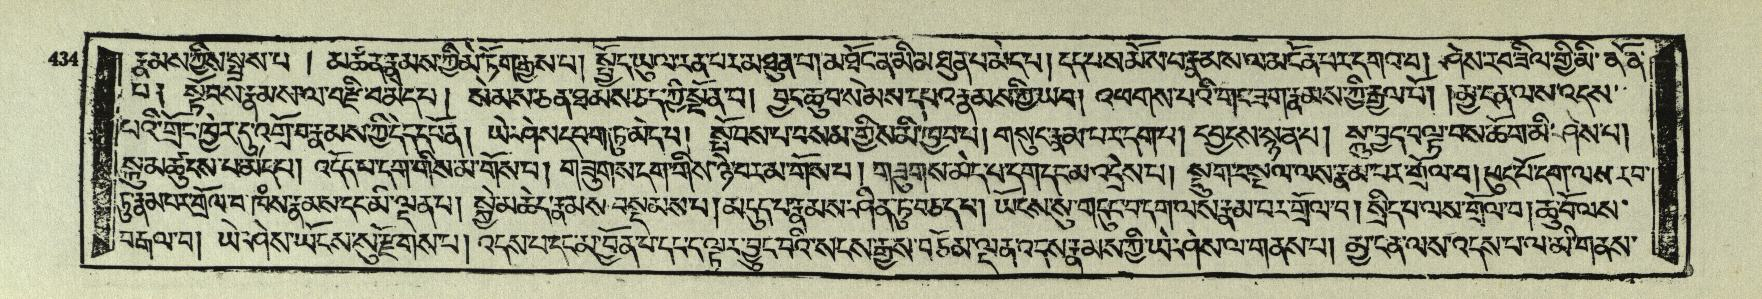རྣམས་ཀྱིས་སྤྲས་པ། མཚན་རྣམས་ཀྱི་མེ་ཏོག་རྒྱས་པ། སྤྱོད་ཡུལ་རན་པར་མཐུན་པ། མཐོང་ན་མི་མཐུན་པ་མེད་པ། དད་པས་མོས་པ་རྣམས་ལ་མངོན་པར་དགའ་བ། ཤེས་རབ་ཟིལ་གྱི་མི་ནོན་
པ། སྟོབས་རྣམས་ལ་བརྫི་བ་མེད་པ། སེམས་ཅན་ཐམས་ཅད་ཀྱི་སྔོན་པ། བྱང་ཆུབ་སེམས་དཔའ་རྣམས་ཀྱི་ཡབ། འཕགས་པའི་གང་ཟག་རྣམས་ཀྱི་རྒྱལ་པོ། །མྱ་ངན་ལས་འདས་
པའི་གྲོང་ཁྱེར་དུ་འགྲོ་བ་རྣམས་ཀྱི་དེད་དཔོན། ཡེ་ཤེས་དཔག་ཏུ་མེད་པ། སྤོབས་པ་བསམ་གྱིས་མི་ཁྱབ་པ། གསུང་རྣམ་པར་དག་པ། དབྱངས་སྙན་པ། སྐུ་བྱད་བལྟ་བས་ཆོག་མི་ཤེས་པ།
སྐུ་མཚུངས་པ་མེད་པ། འདོད་པ་དག་གིས་མ་གོས་པ། གཟུགས་དག་གིས་ཉེ་བར་མ་གོས་པ། གཟུགས་མེད་པ་དག་དང་མ་འདྲེས་པ། སྡུག་བསྔལ་ལས་རྣམ་པར་གྲོལ་བ། ཕུང་པོ་དག་ལས་རབ་
ཏུ་རྣམ་པར་གྲོལ་བ་ཁཾས་རྣམས་དང་མི་ལྡན་པ། སྐྱེ་མཆེད་རྣམས་བསྡམས་པ། མདུད་པ་རྣམས་ཤིན་ཏུ་བཅད་པ། ཡོངས་སུ་གདུང་བ་དག་ལས་རྣམ་པར་གྲོལ་བ། སྲིད་པ་ལས་གྲོལ་བ། ཆུ་བོ་ལས་
བརྒལ་བ། ཡེ་ཤེས་ཡོངས་སུ་རྫོགས་པ། འདས་པ་དང་མ་བྱོན་པ་དང་ད་ལྟར་བྱུང་བའི་སངས་རྒྱས་བཅོམ་ལྡན་འདས་རྣམས་ཀྱི་ཡེ་ཤེས་ལ་གནས་པ། མྱ་ངན་ལས་འདས་པ་ལ་མི་གནས་